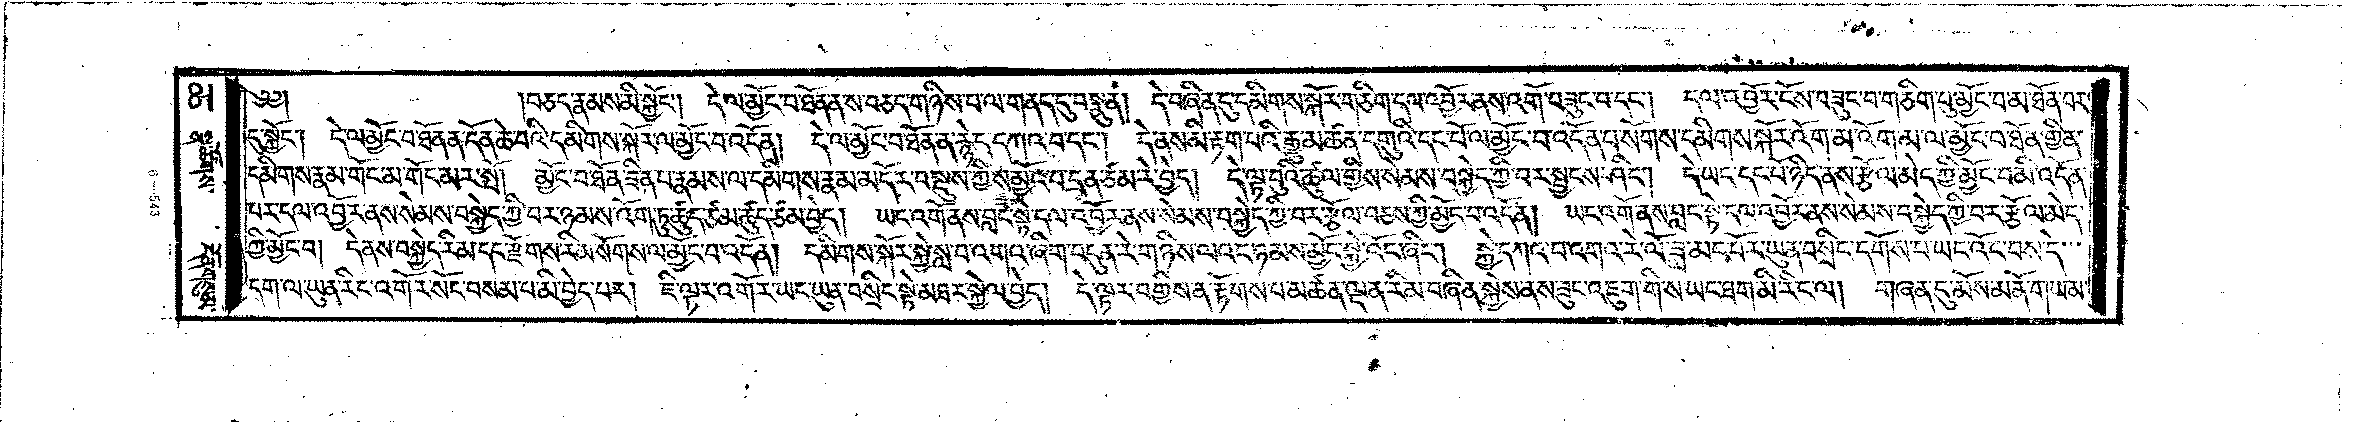༄༅། །བཅད་རྣམས་མི་སྐྱོང་། དེ་ལ་མྱོང་བ་ཐོན་ནས་ས་བཅད་གཉིས་བ་ལ་གནད་དུ་བསྣུན། དེ་བཞིན་དུ་དམིགས་སྐོར་གཅིག་དལ་འབྱོར་ནས་འགོ་བཟུང་བ་དང་། དལ་འབྱོར་ངོས་བཟུང་བ་གཅིག་པུ་མྱོང་བ་མཐོན་བར་
དུ་སྐྱོང་། དེ་ལ་མྱོང་བ་ཐོན་ན་དོན་ཆེ་བའི་དམིགས་སྐོར་ལ་མྱོང་བ་འདོན། དེ་ལ་མྱོང་བ་ཐོན་ན་རྙེད་དཀའ་བ་དང་། དེ་ནས་མི་རྟག་པའི་རྒྱུ་མཚན་དགུའི་དང་པོ་ལ་མྱོང་བ་འདོན་པ་སོགས་དམིགས་སྐོར་འོག་མ་འོག་མ་ལ་མྱོང་བ་ཐོན་གྱིན་
ཕ༹དམིགས་རྣམ་གོང་མ་གོང་མར་སྤོ། མྱོང་བ་ཐོན་ཟིན་པ་རྣམས་ལ་དམིགས་རྣམ་མདོར་བསྡུས་ཀྱིས་མྱོང་བ་དྲན་ཙམ་རེ་བྱེད། དེ་ལྟ་བུའི་ཚུལ་གྱིས་སེམས་བསྐྱེད་ཀྱི་བར་སྦྱངས་ཤིང་། དེ་ཡང་དང་པོ་ཉིད་ནས་རྩོལ་མེད་ཀྱི་མྱོང་བ་མི་འདོན་
པར་དལ་འབྱོར་ནས་སེམས་བསྐྱེད་ཀྱི་བར་ཉམས་འོག་ཏུ་ཚུད་ཙམ་ཚུད་ཙམ་བྱེད། ཡང་འགོ་ནས་བླང་སྟེ་དལ་འབྱོར་ནས་སེམས་བསྐྱེད་ཀྱི་བར་རྩོལ་བཅས་ཀྱི་མྱོང་བ་འདོན། ཡང་འགོ་ནས་བླང་སྟེ་དལ་འབྱོར་ནས་སེམས་བསྐྱེད་ཀྱི་བར་རྩོལ་མེད་
ཀྱི་མྱོང་བ། དེ་ནས་བསྐྱེད་རིམ་དང་རྫོགས་རིམ་སོགས་ལ་མྱོང་བ་འདོན། དམིགས་སྐོར་སྐྱེ་སླ་བ་འགའ་ཞིག་བདུན་རེ་གཉིས་ལའང་ཉམས་ཡོང་སྐྱེ་འོང་ཞིང་། སྐྱེ་དཀའ་བ་འགའ་རེ་ལོ་ཟླ་མང་པོར་ཡུན་བསྲིང་དགོས་པ་ཡང་འོང་བས་དེ་
དག་ལ་ཡུན་རིང་འགོར་སོང་བསམ་པ་མི་བྱེད་པར། ཇི་ལྟར་འགོར་ཡང་ཡུན་བསྲིང་སྟེ་མཐར་སྐྱེལ་བྱེད། དེ་ལྟར་བགྱིས་ན་རྟོགས་པ་མཚན་ལྡན་རིམ་བཞིན་སྐྱེས་ནས་ཟུང་འཇུག་གི་ས་ཡང་ཐག་མི་རིང་ལ། གཞན་དུ་མོས་མནོ་གཡམ་